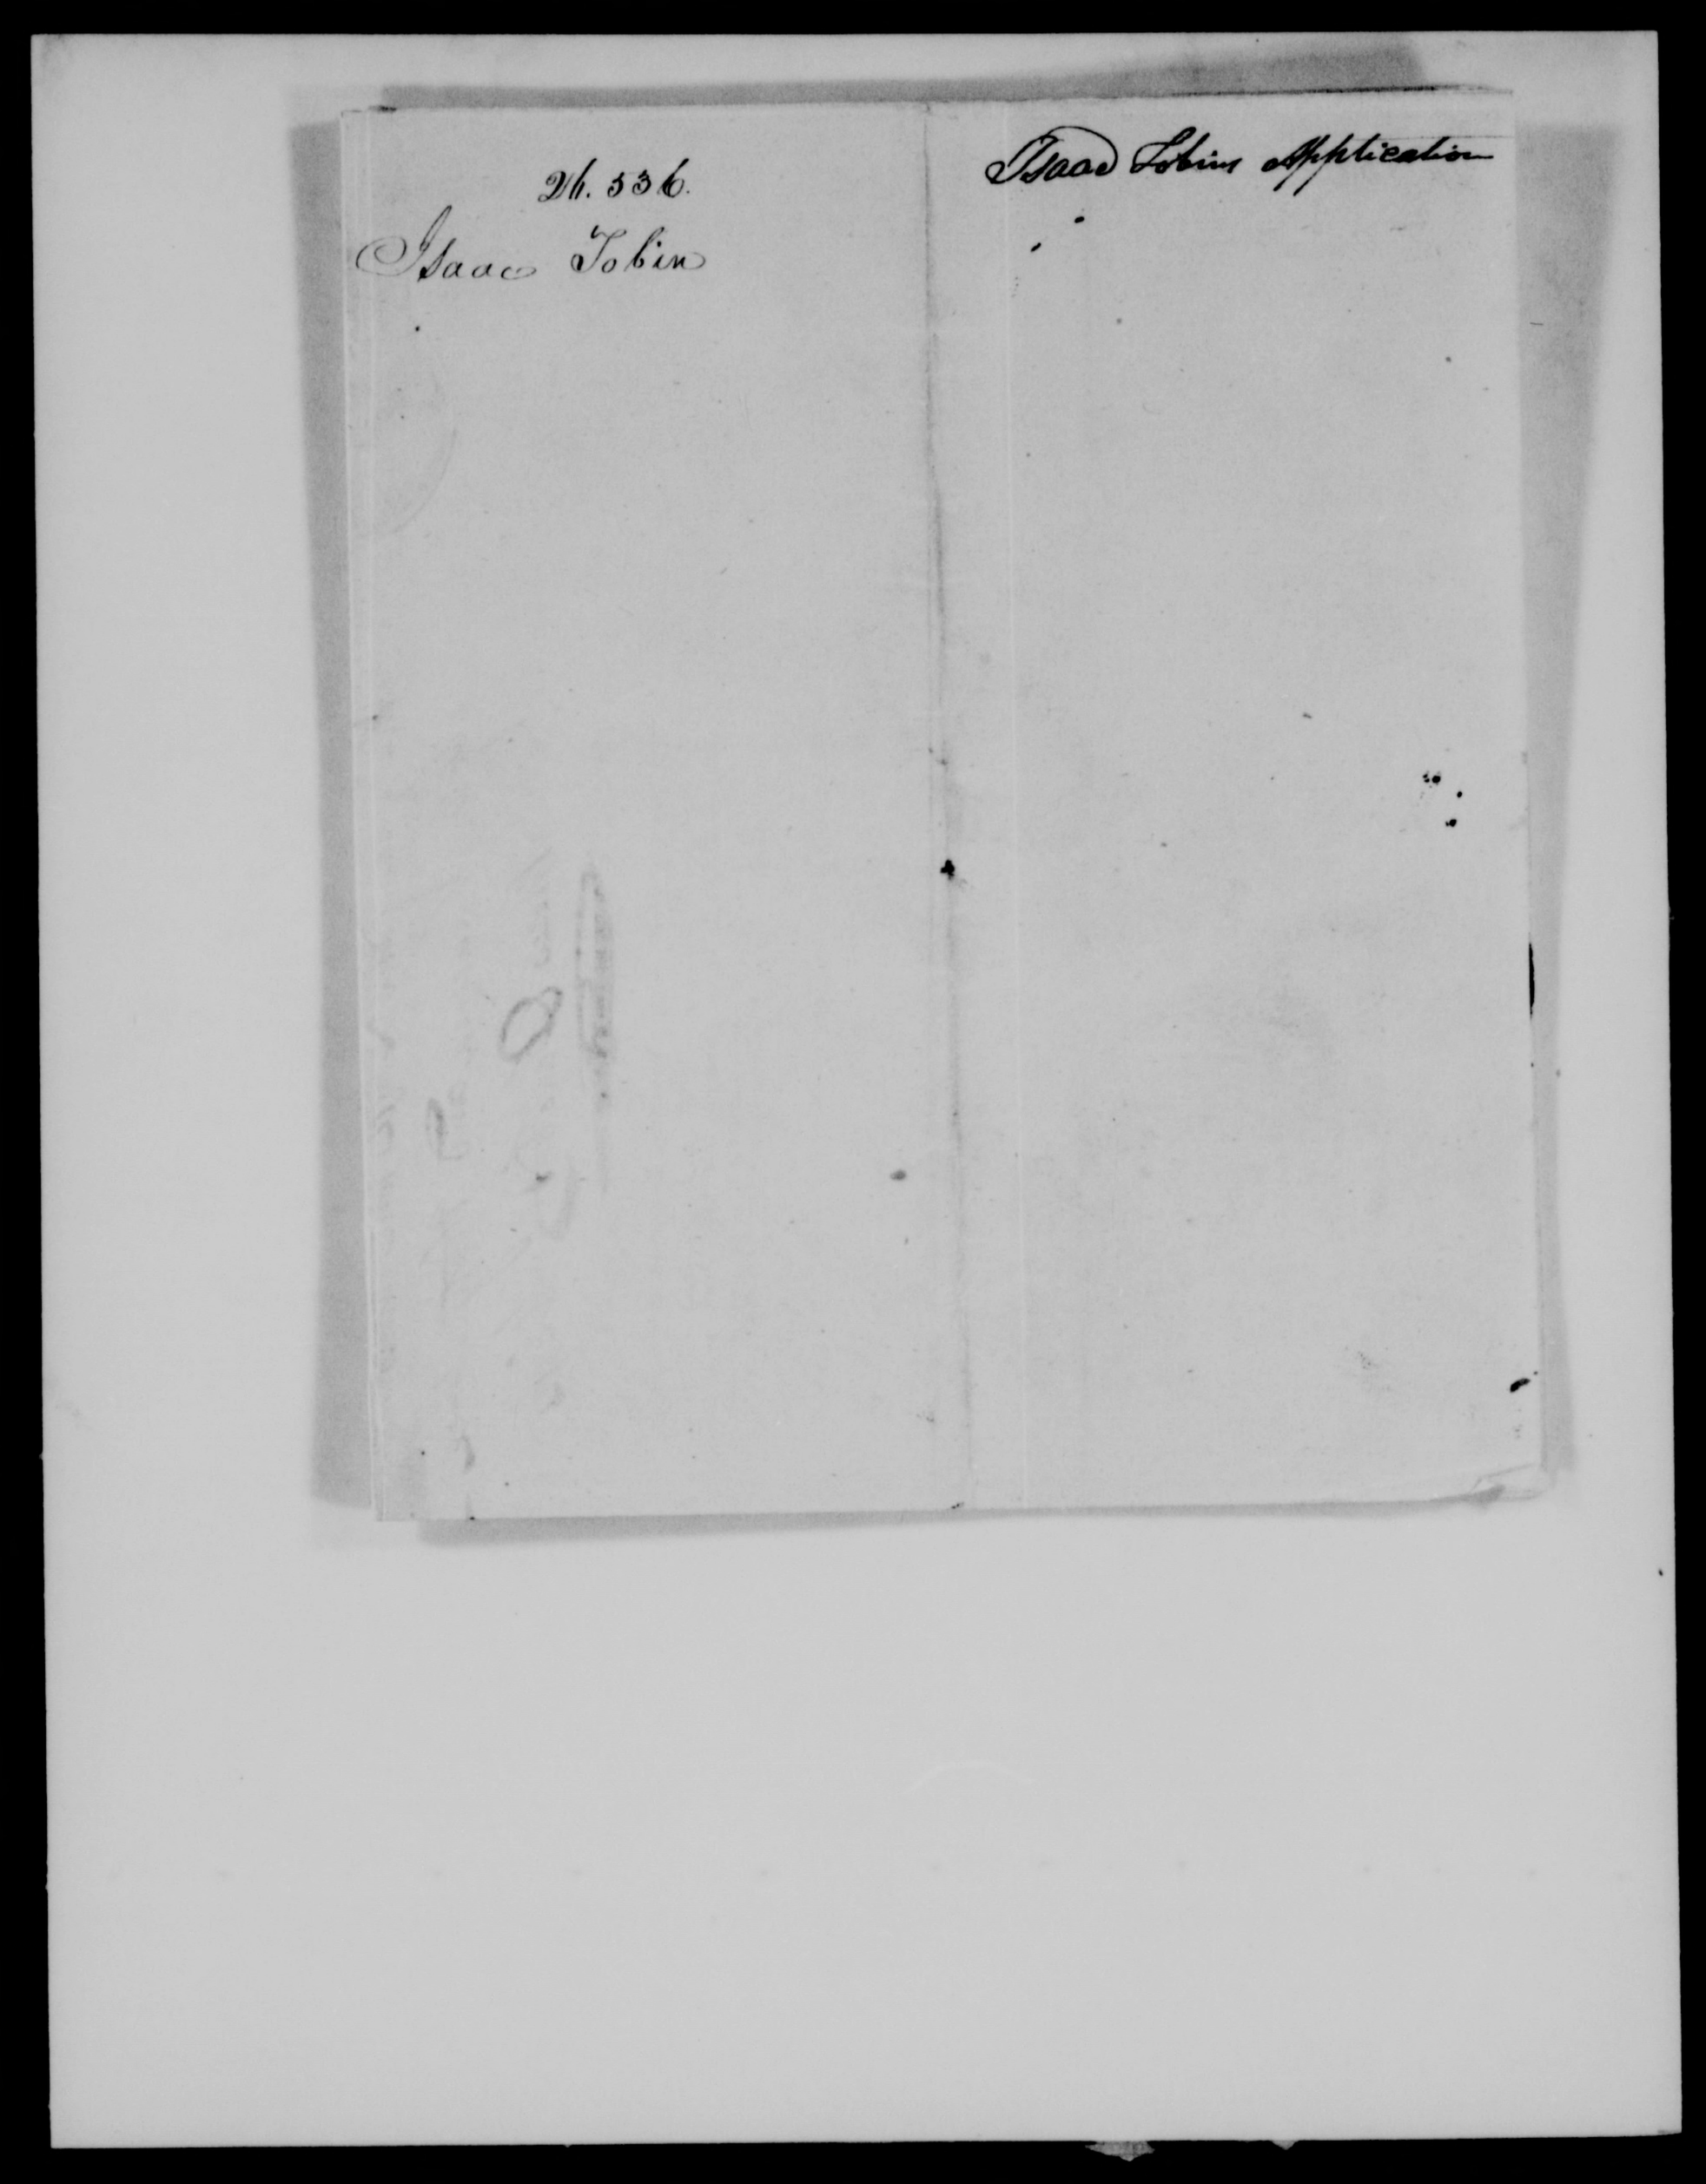26.336
Isaac Tobin

Isaac Tobin Application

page: 7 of 25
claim: survivor's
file: S. 6258, for Isaac Tobin, New Jersey